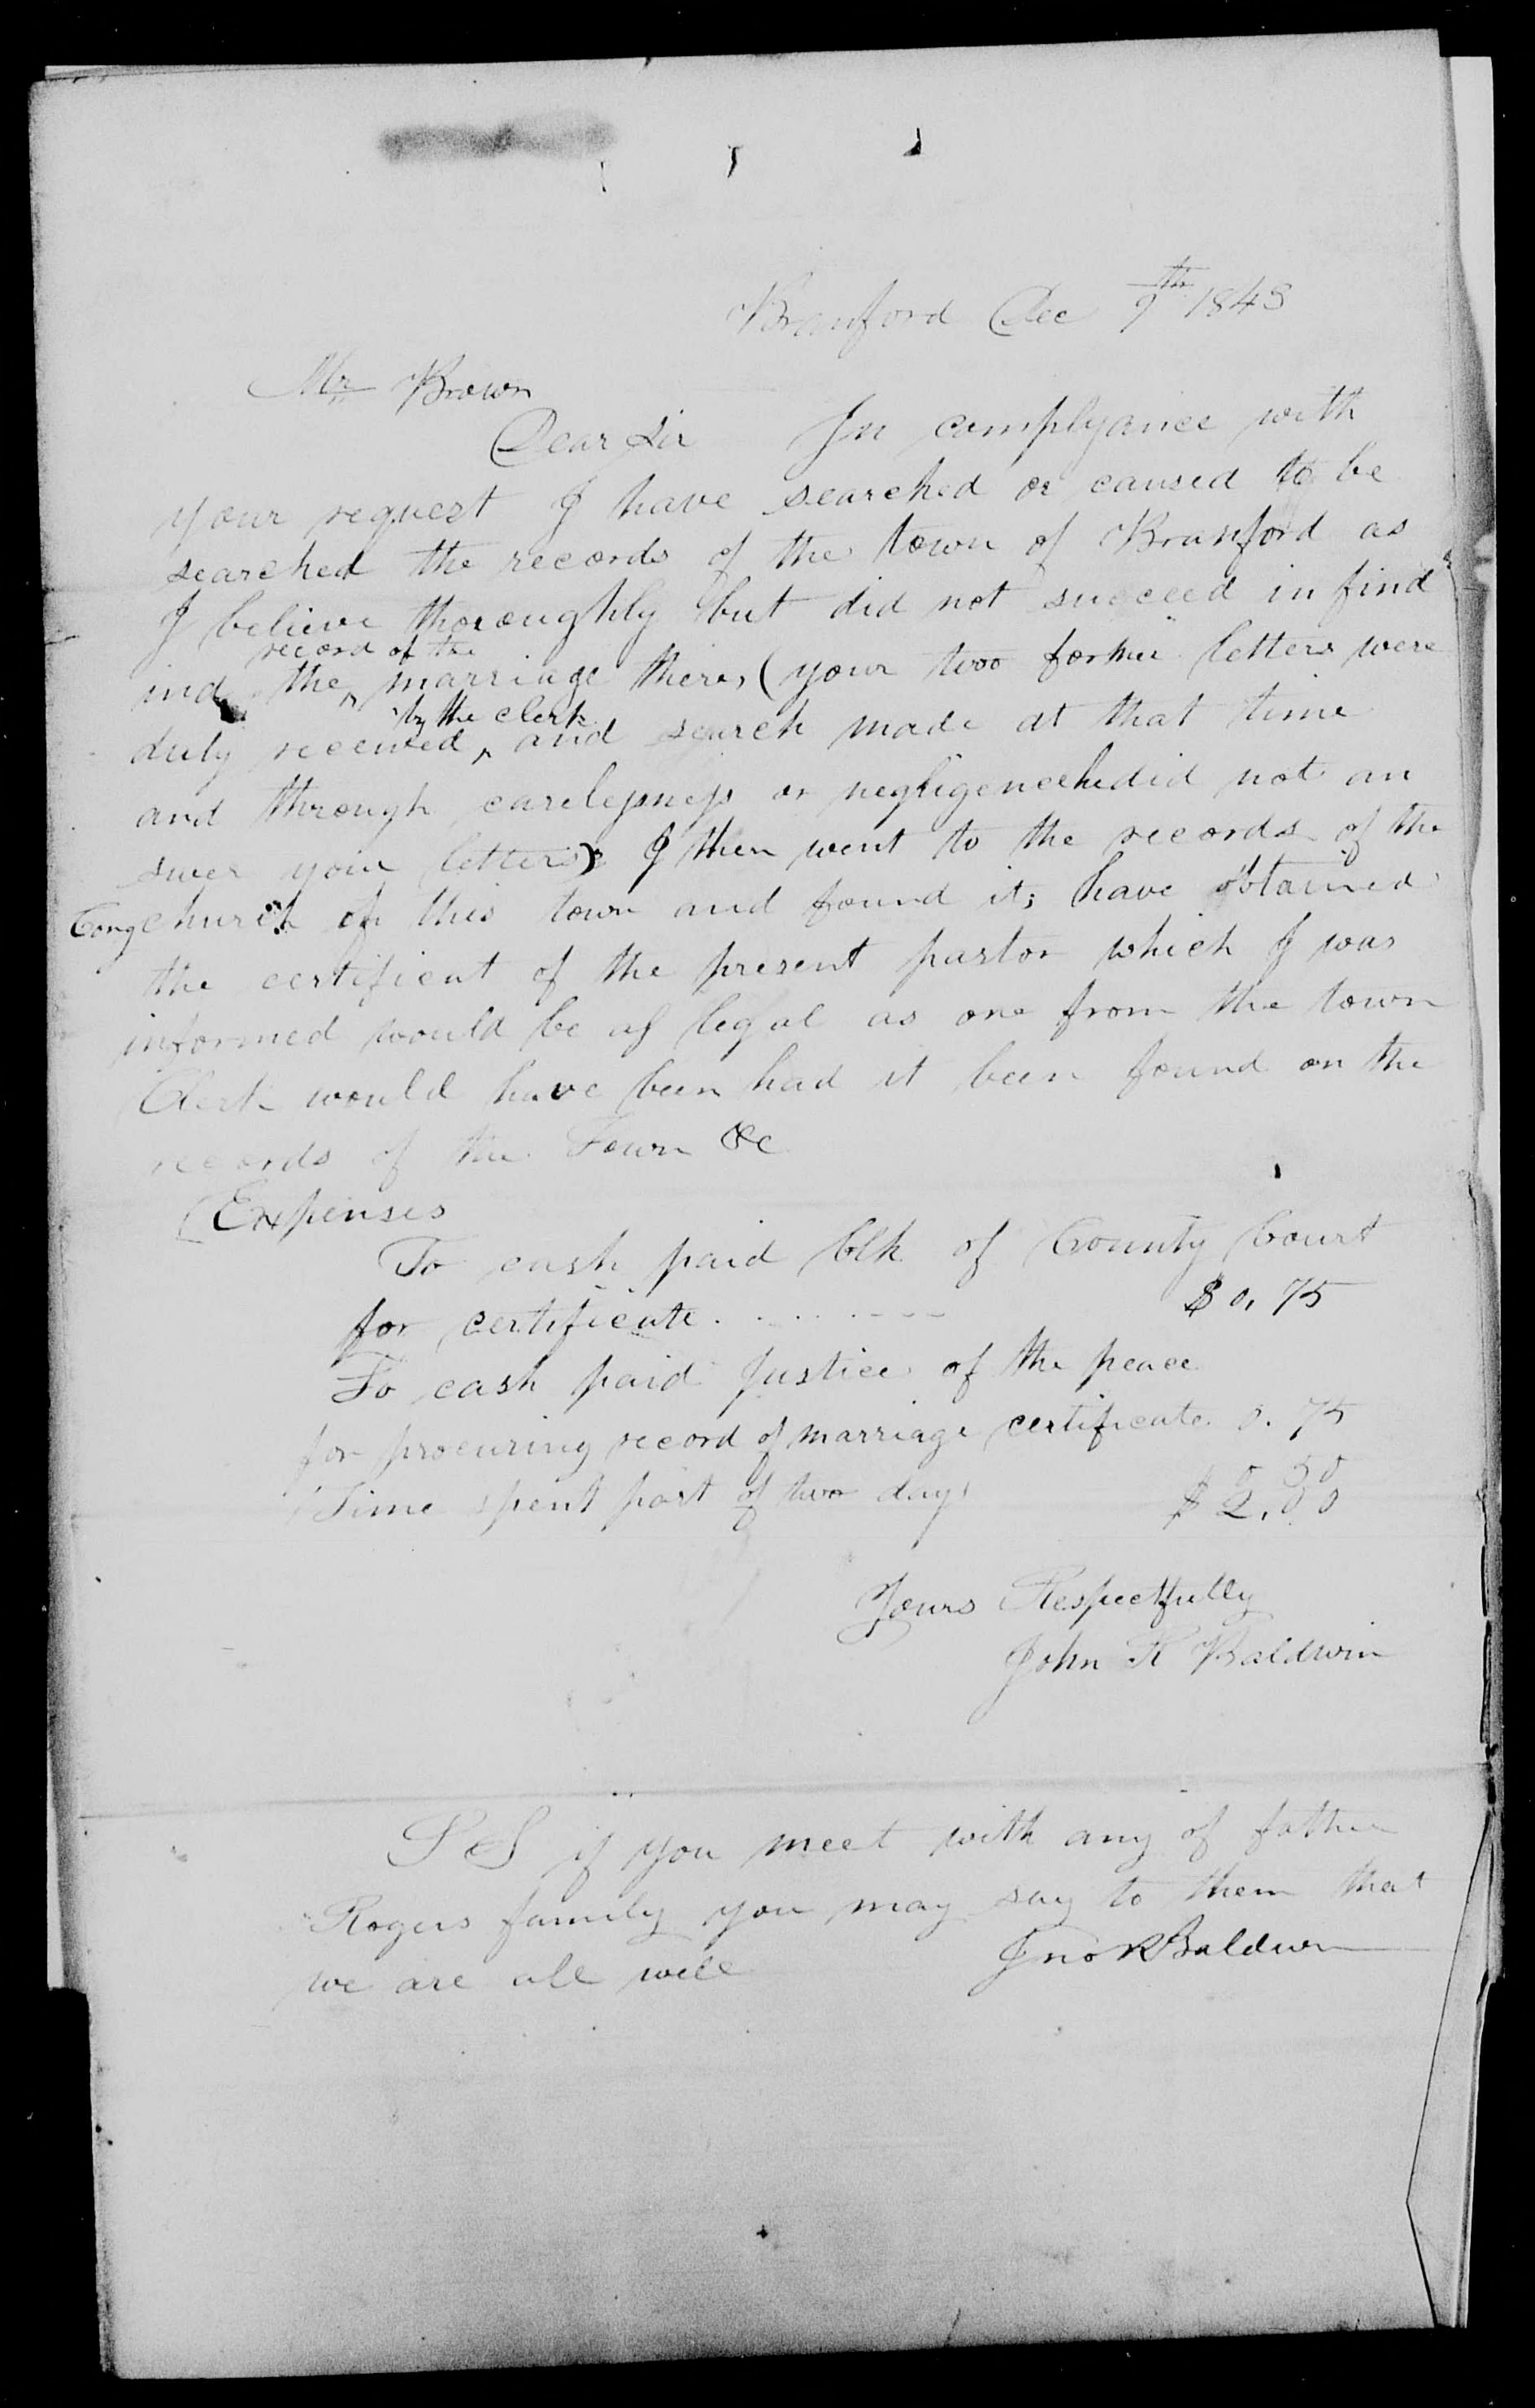Branford Dec. 9th 1843

Mr. Brown
Dear Sir  In compliance with your request I have searched or caused to be searched the records of the town of Branford as I believe thoroughly but did not succeed in finding record of the marriage there, (your two former letters were duly received by the clerk and search made at that time and through carelessness or negligence he did not answer you letter) I then went to the records of the Cong. Church of this town and found it, have obtained the certificat of the present pastor which I was informed would be as legal as one from the town Clerk would have been had it been found on the records of the town &c.
Expenses
To cash paid Clk of County Court for certificate $0.75
To case paid Justice of the peace for procuring record of marriage certificate $0.75
Time spent part of two days  $0.50
          $2.00

Yours Respectfully
John R. Baldwin

P.S. if you meet with any of father Rogers family you may say to them that we are all well

Jno R. Baldwin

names: Rogers, Jno R Baldwin, John K Baldwin, Brown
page: 15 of 37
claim: widow's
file: W. 20,787, Daniel Brown, Conn. Navy.